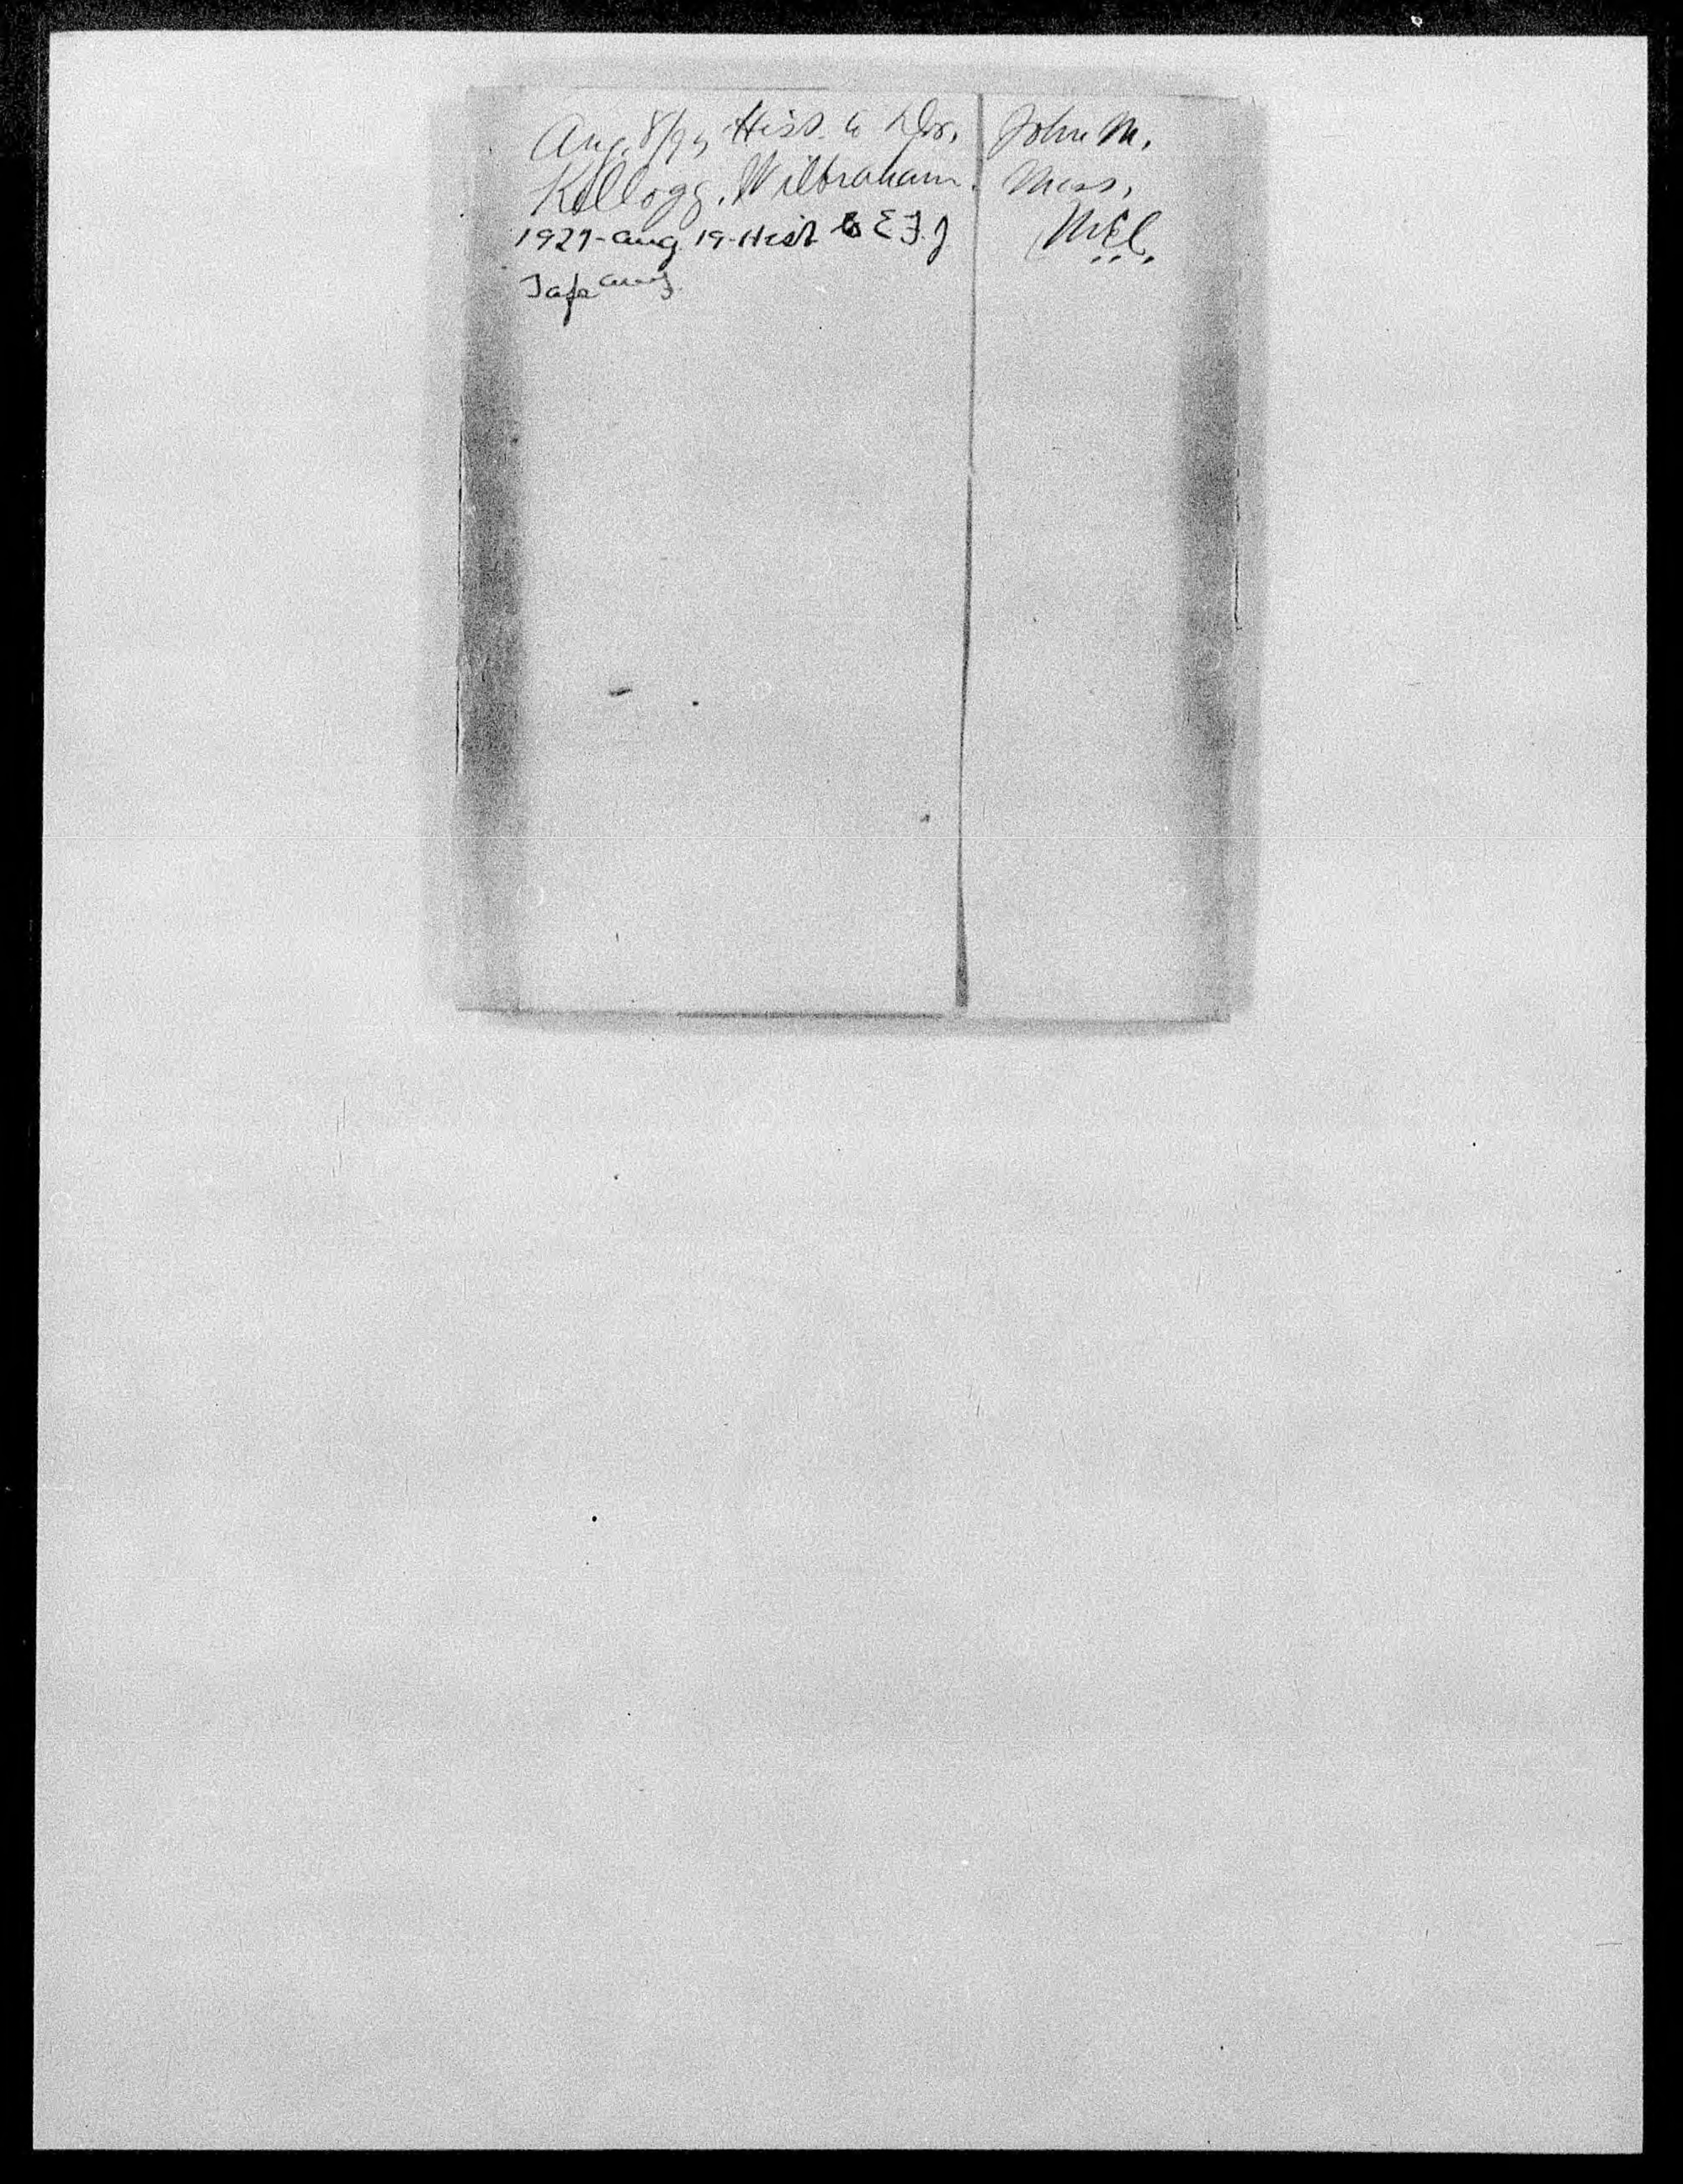Aug, 8/95 Hist. to Dr. John M. Kellogg, Wilbraham, Mass, Mr. E. C.

1927-Aug. 19--Hist to E. F. J. 
 Tafe Aug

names: John M Kellogg; E F J Tafe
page: 53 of 60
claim: widow's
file: W. 14,036, for James Knowles, Connecticut